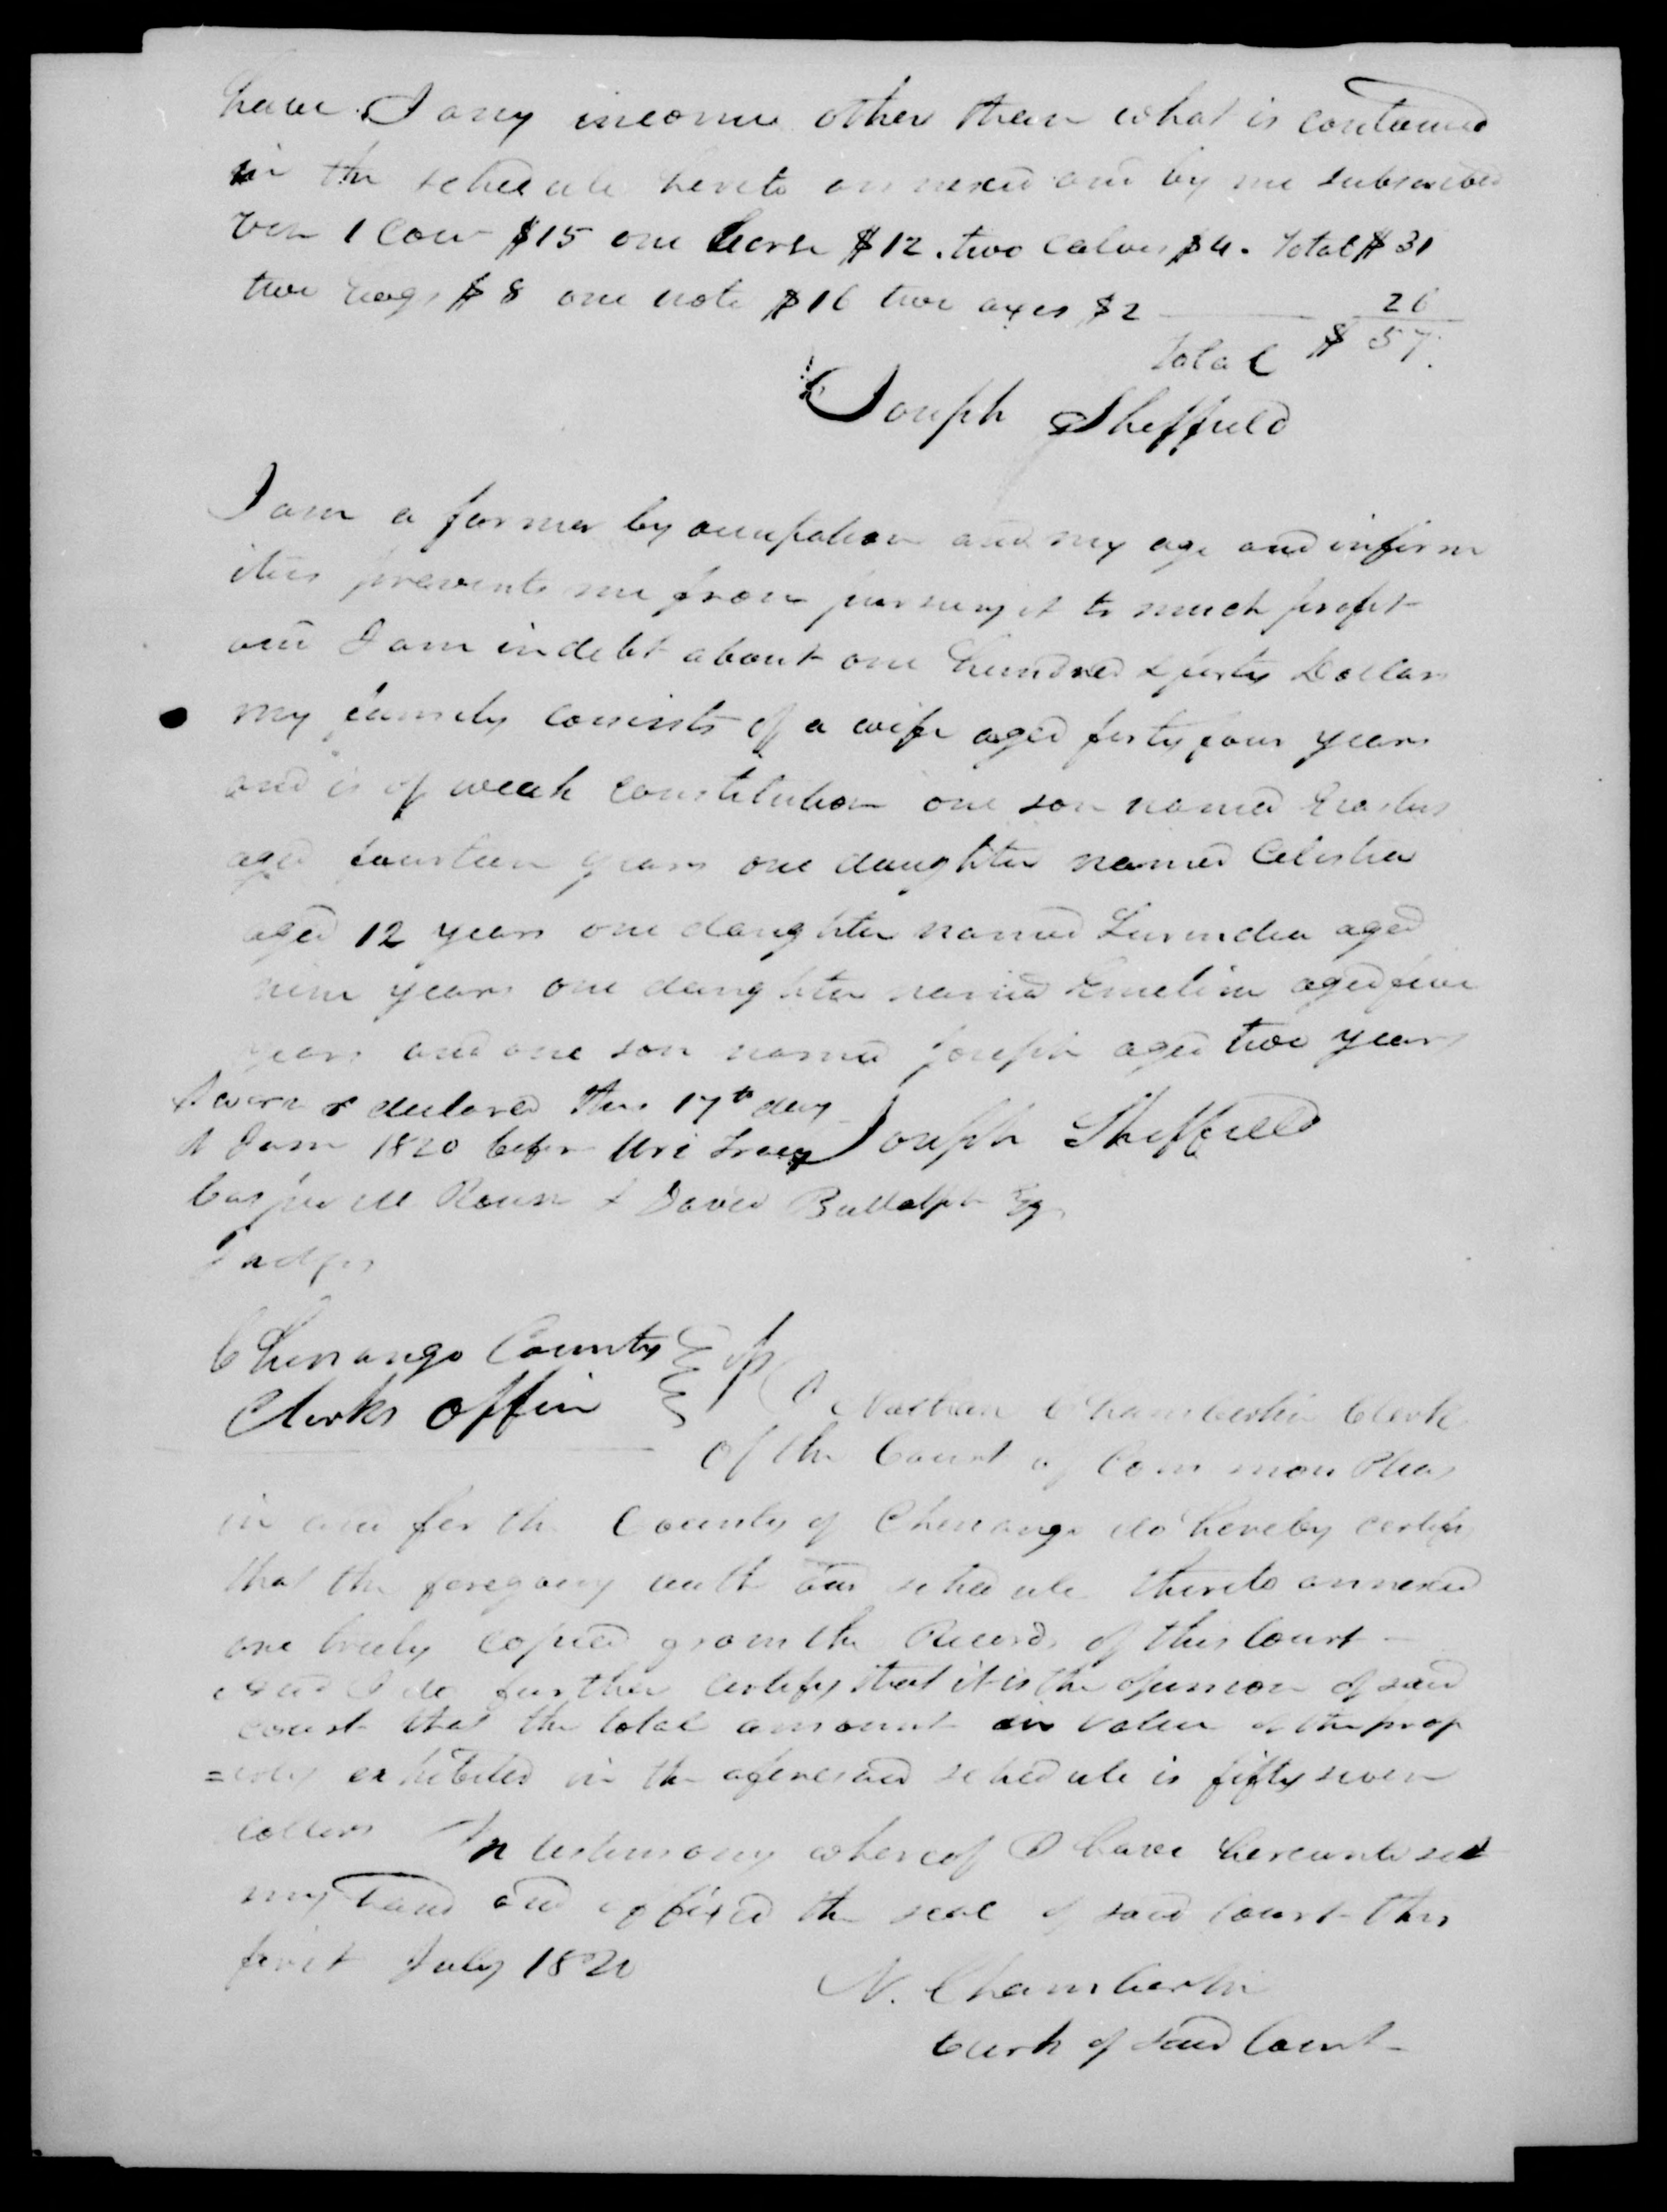have I any income other than what is contained
in the schedule hereto annexed and by me subscribed
Viz 1 Cow $15 one horse $12, two calves $4. Total $31
two hogs one note $16 two axes $2- 26
total $57.
Joseph Sheffield [signature]

I am a farmer by occupation and my age and infirmities 
prevent me from pursuing to much profit
and I am in debt about one hundred & forty Dollars
my family consists of a wife aged forty four years
and is of weak constitution one son named Charles
aged fourteen years one daughter named Erastus
aged 12 years one daughter named Celestia aged
nine years one daughter named Emeline aged five
years and one son named Joseph aged two years

Joseph Sheffield [signature] 
Sworn & declared this 17th day
of July 1820 before [illegible] Tracy d
Casper W  Rouse & David Bullalph Esq
Judges

Chenango County ss 
Clerks Office ---------⎬
Nathan Chamberlin Clerk of the Court of Common Pleas
in and for the County of Chenango do hereby certify
that the foregoing oath and schedule thereto annexed
one truly copied from the Records of this Court -
And I do further certify that it is the opinion of said
court that the total amount in value of the property
exhibited in the aforesaid schedule is fifty seven
Dollars In testimony whereof I have hereunto set
my hand and affixed the seal of said Court this
first July 1820
N. Chamberlin
Clerk of said Court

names: Lurendia [BLANK]; N Chamberlin; Davis Bullalph; Joseph Sheffield; Erastus [BLANK]; Joseph [BLANK]; Emeline [BLANK]; Celestia [BLANK]; Joseph Sheffield; Nathan Chamberlin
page: 5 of 25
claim: survivor's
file: S. 42,272, for Joseph Sheffield, Connecticut